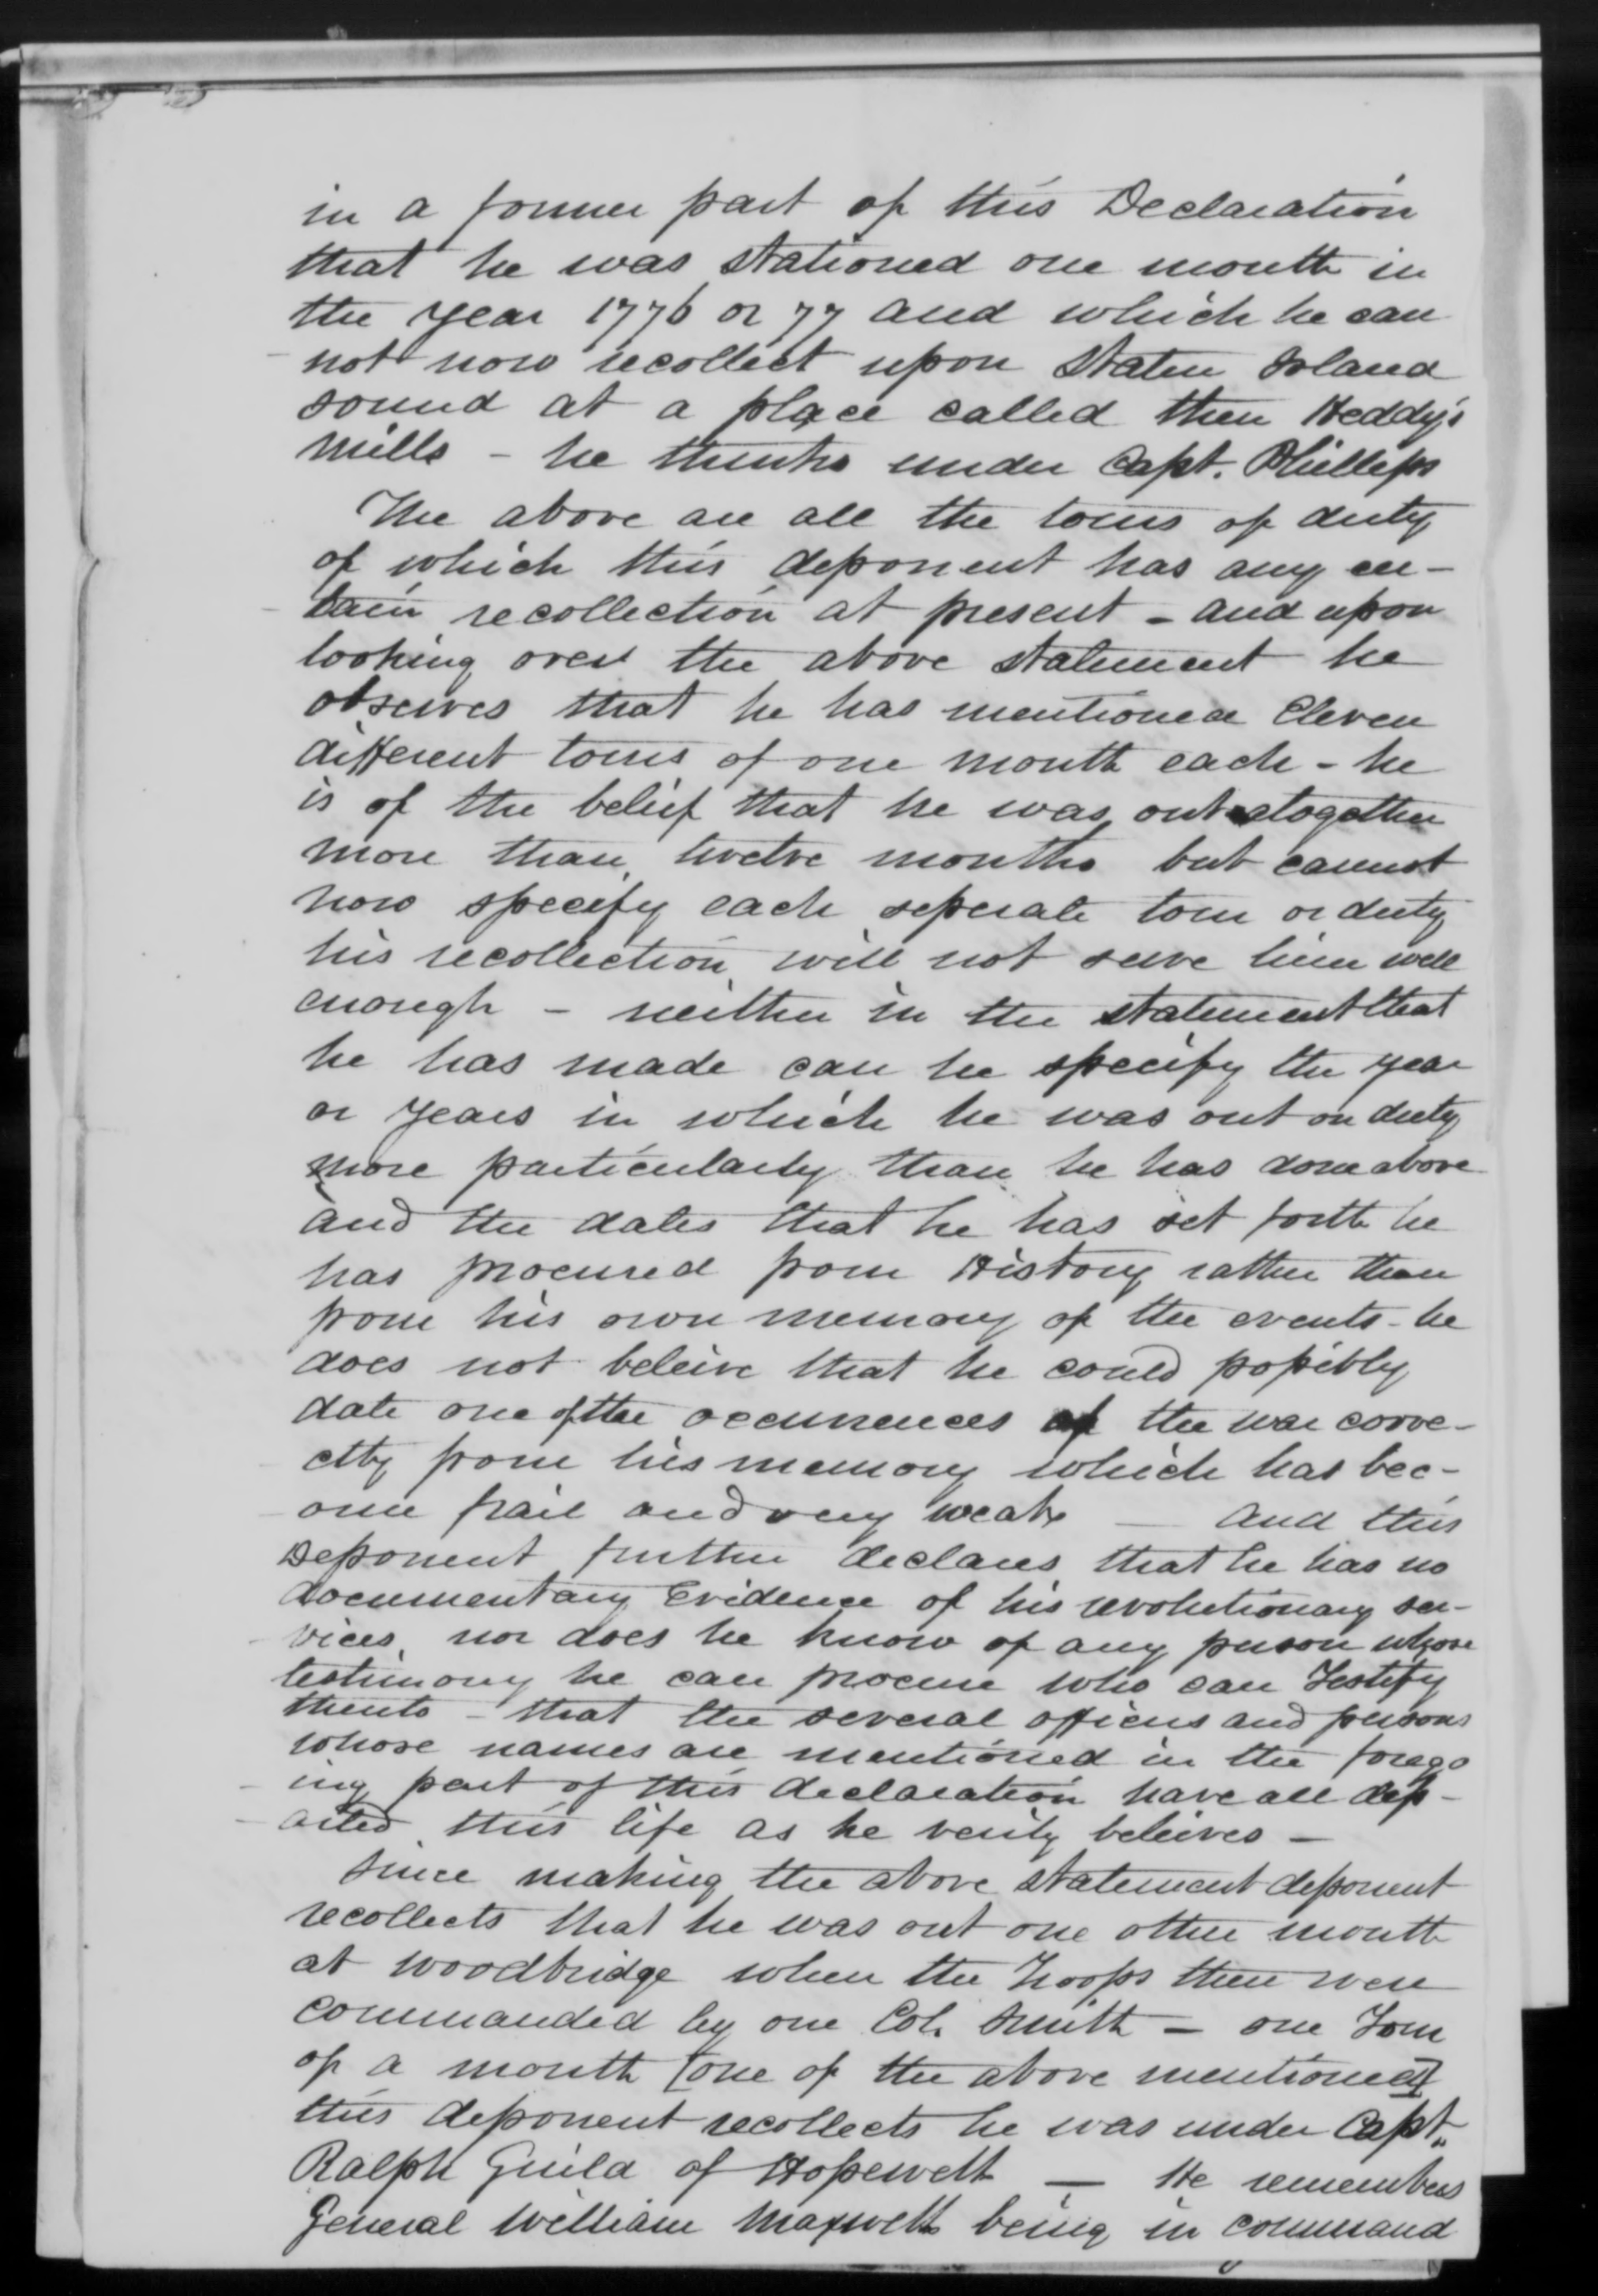in a former part of this Declaration
that he was stationed one month in
the year 1776 or 77 and which he can
not now recollect upon Staten Island
Sound at a place called then Heddy’s
mills - he thinks under Capt. Phillips
The above are all the tours of duty
of which this deponent has any cer-
tain recollection to present - and upon
looking over the above statement he
observes that he has mentioned Eleven
different tours of one month each - he
is of the belief that he was out atogether
more than twelve months but cannot
now specify each seperate tour or duty
his recollection will not serve him well
enough - neither in the statement that
he has made can he specify the year
or years in which he was out no duty
more particularly than he has done above
and the dates that he has set forth he
has procured from history rather than
from his own memory of the events - he
does not believe that he could possibly
date one of the occurrences of the war corre-
ctly from his memory which has bec-
ome frail and very weak —    And this
Deponent further declares that he has no
documentary evidence of his revolutionary ser-
vices nor does he know of any person upon
testimony he can procure who can Testify
thereto - that the several officers and persons
whose names are mentioned have all dep-
arted this life as he verily believe - 
Since making the above statement deponent
recollects that he was out one other month
at Woodbridge when the Troops there were
commanded by one Col. Smith - one Tour
of a month [one of the above mentioned]
this deponent recollects he was under Capt.
Ralph Guild of Hopewell — he remembers
Generaal William Maxwell being in command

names: Ralph Guild, William Maxwell, Phillips, Smith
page: 15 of 67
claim: widow's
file: W. 2393, Jacob Williamson, New Jersey